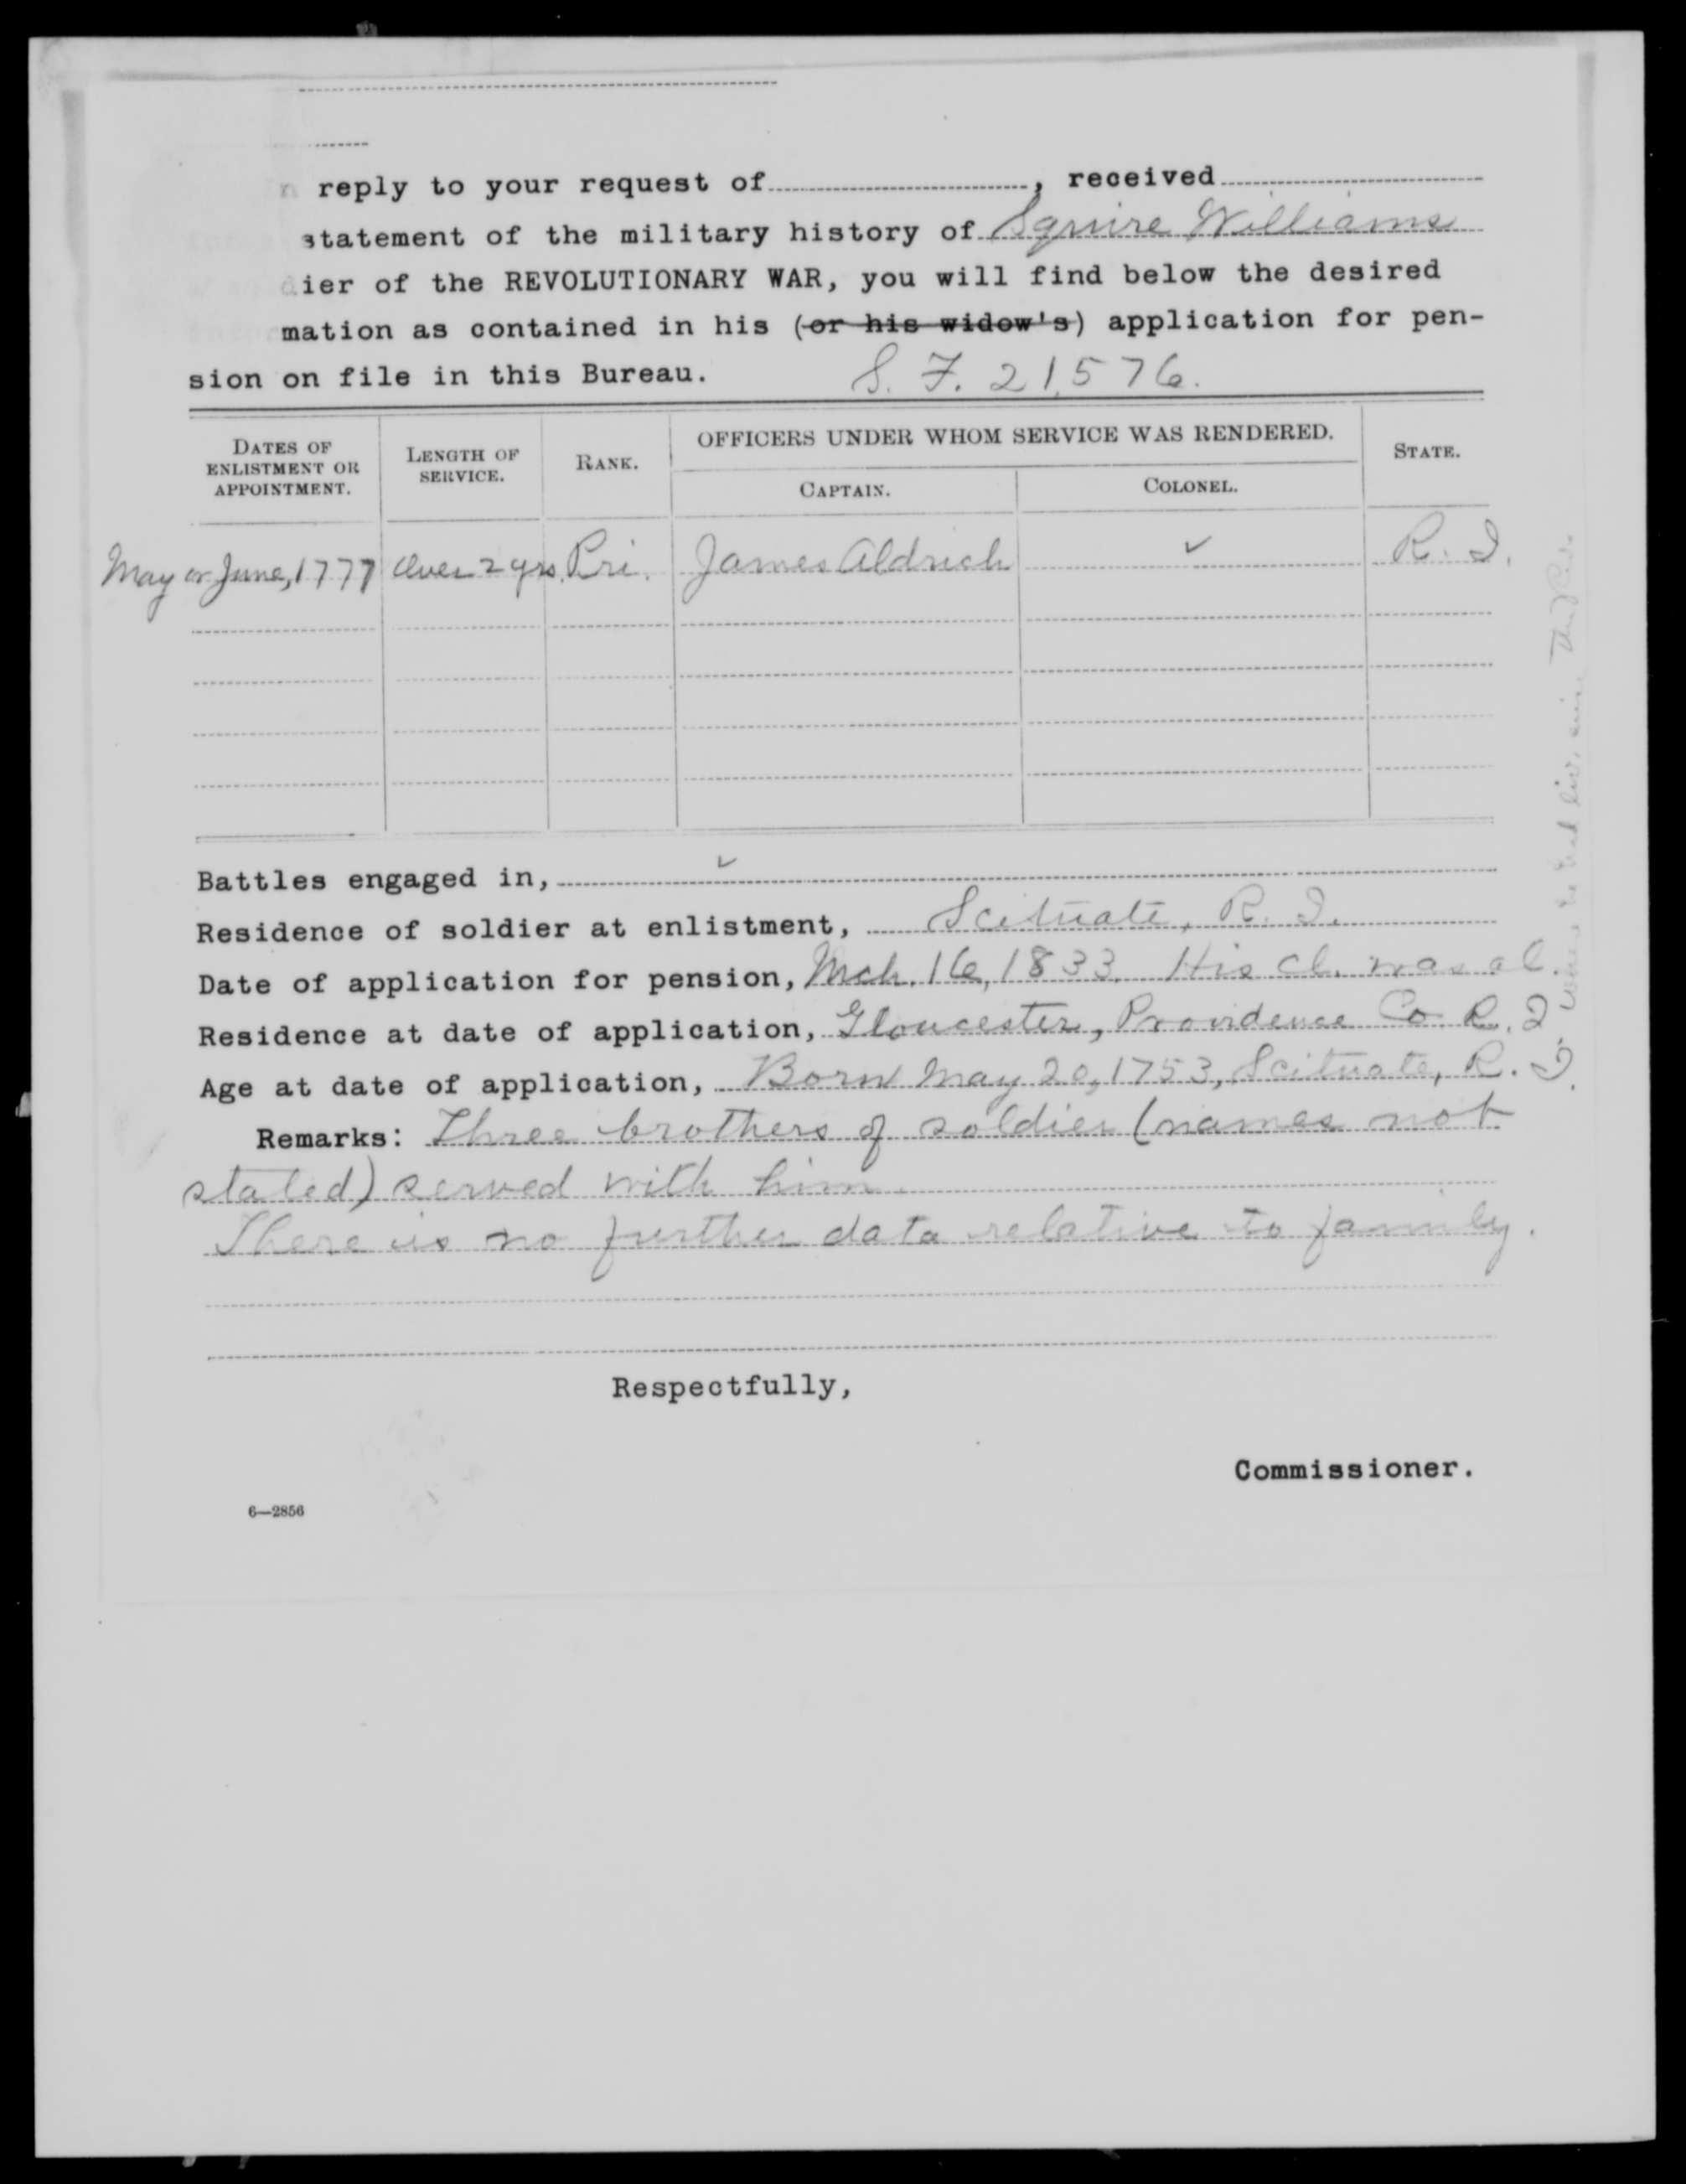(Typed) In reply to your request of (fillable line left blank), received (fillable line left blank), for a statement of the military history of (handwritten) Squire Williams, soldier of the REVOLUTIONARY WAR, you will find below the desired information as contained in his (crossed out) (or his widow's) application for pension onfile in this Bureau.  S.F. 2156

Chart column headings; DATES OF ENLISMENT OR APPOINTMENT. / LENGTH OF SERVICE. / RANK. / OFFICERS UNDER WHOM SERVICE WAS RENDERED. CAPTAIN. | COLONEL. / STATE.

May or June, 1777
over 2 yrs.
Pri.
(filled in under heading CAPTAIN) James Aldrich 
(checkmark inserted under heading COLONEL)
R. I

Battles engaged in, (fillable line left blank)
Residence of soldier at enlistment, (filled in) Scituate, R.I.
Date of application for pension, (filled in) Mch 16, 1833 His cl. was al.
Residence at date of application, (filled in) Gloucester, Providence Co. (faint handwriting up the right side of the page) Where he had lived since the Rev.
Age at date of application, (filled in) Born May 20, 1753, Scituate R.I.
Remarks: Three brothers of soldier (names not
stated) served with him.
There is no further data relative to family.

Respectfully,
Commissioner.
6 -- 2856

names: James Aldrich, Squire Williams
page: 11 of 23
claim: survivor's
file: S. 21576, Squire Williams, R. I.